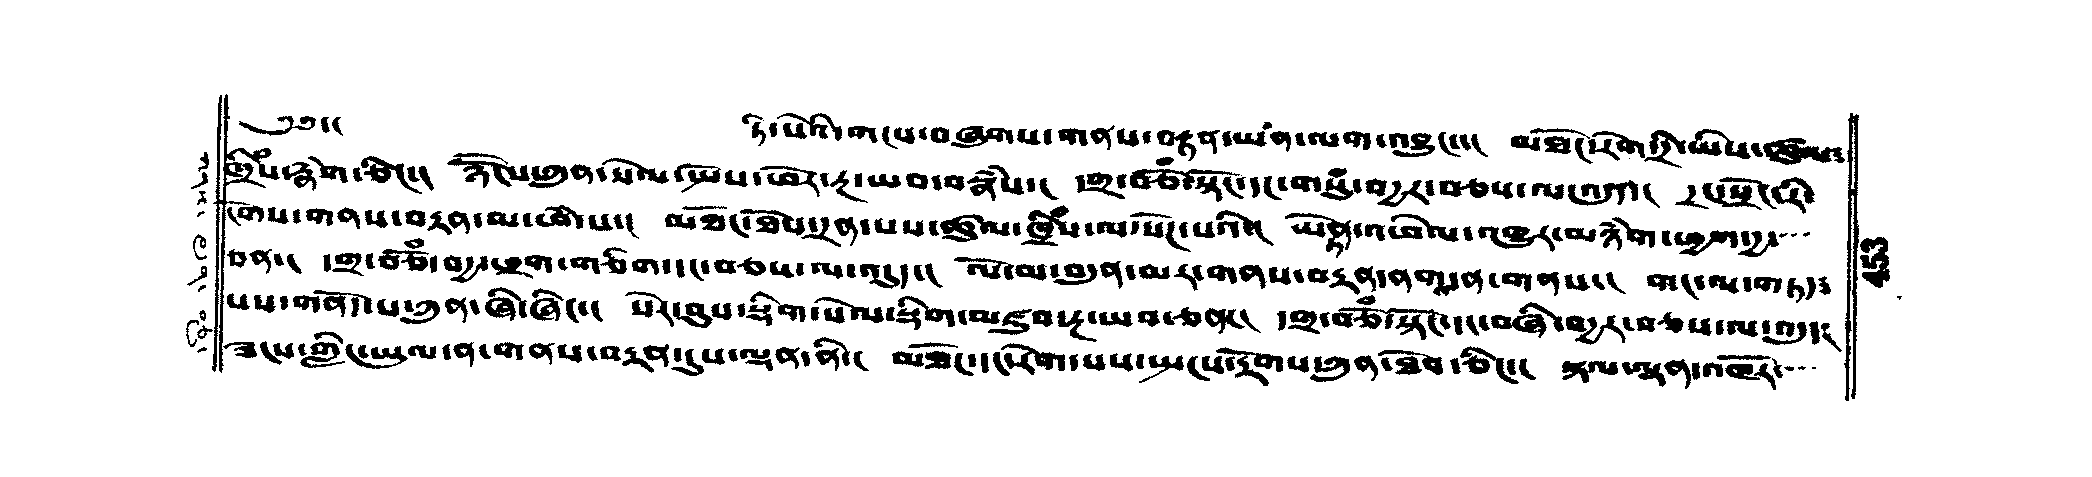།ཏི་སིའི་གངས་བཞུགས་གནས་བརྟན་ཡན་ལག་འབྱུང་། མཐོང་རེག་དྲི་ཡིས་ཚུལ་
ཁྲིམས་རྣམ་དག་ཅིང་། །ཉོན་མོངས་ཀུན་བསལ་སྤོས་ཕོར་རྔ་ཡབ་བསྣམས། །དགྲ་བཅོམ་སྟོང་དང་སུམ་བརྒྱ་བཅས་ལ་འདུད། དྲང་སྲོང་རི་
ངོགས་གནས་བརྟན་མ་ཕམ་པ། མཐོང་ཐོས་དྲན་པས་ཚུལ་ཁྲིམས་ལ་སོགས་པའི། ཡོན་ཏན་འཕེལ་འགྱུར་མཉལ་བཞག་ཕྱག་རྒྱ་
ཅན། དགྲ་བཅོམ་རྒྱ་ཕྲག་གཅིག་དང་བཅས་པ་ལ་འདུད། །ལོ་མ་བདུན་མར་གནས་བརྟན་ནགས་ན་གནས། །གང་ལ་གཏད་
པས་གནོད་པ་ཀུན་ཞི་ཞིང་། །སེར་བུས་སྡིག་སེལ་སྡིག་མཛུབ་རྔ་ཡབ་ཅན། །དགྲ་བཅོམ་སྟོང་དང་བཞི་བརྒྱར་བཅས་ལ་འདུད། །
ཟངས་གླིང་ཡུལ་ན་གནས་བརྟན་དུས་ལྡན་ནི། །མཐོང་དང་རེག་པས་སྤངས་རྟོགས་ཀུན་ཐོབ་ཅིང་། སྐལ་ལྡན་འཁོར་